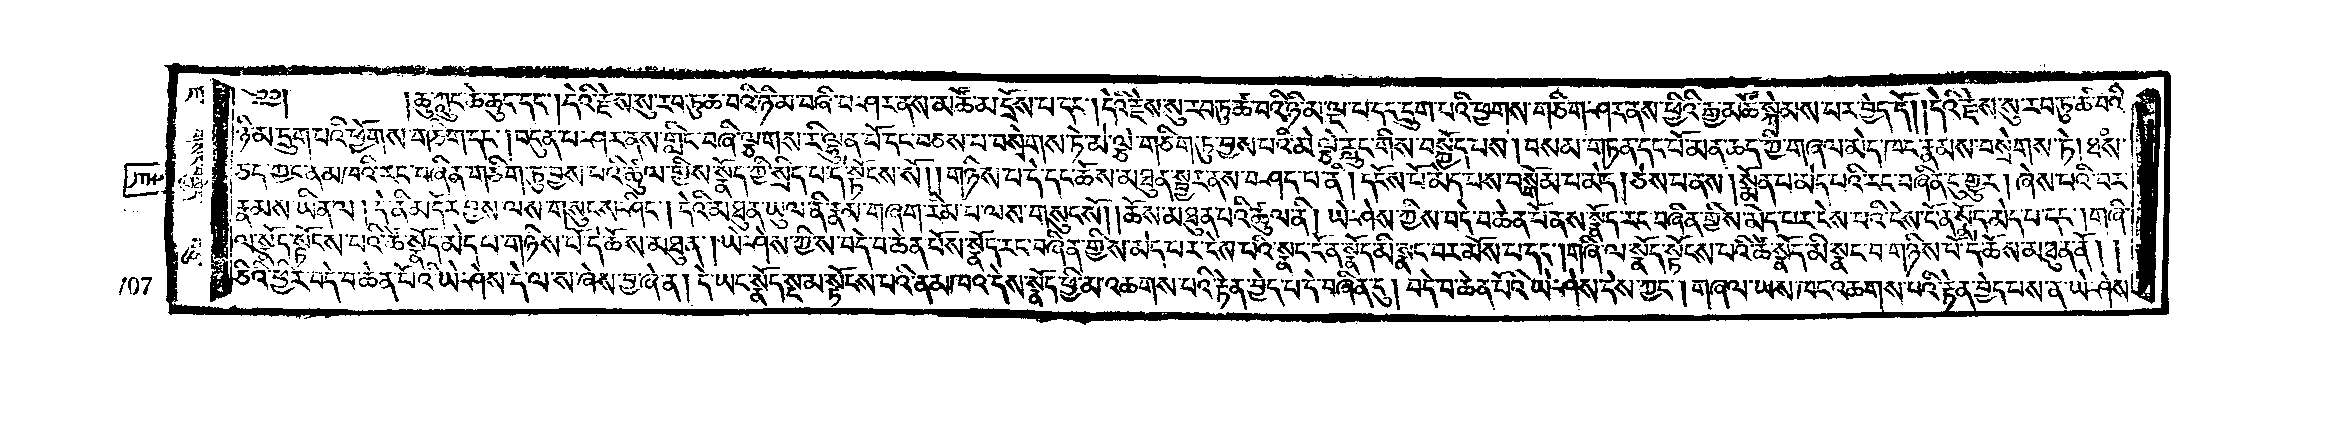༄༅། །ཆུ་ཀླུང་ཆེ་ཆུང་དང་། དེའི་རྗེས་སུ་རབ་ཏུ་ཆ་བའི་ཉི་མ་བཞི་པ་ཤར་ནས་མཚོ་མ་དྲོས་པ་དང་། དེའི་རྗེས་སུ་རབ་ཏུ་ཚ་བའི་ཉི་མ་ལྔ་པ་དང་དྲུག་པའི་ཕྱགས་གཅིག་ཤར་ནས་ཕྱིའི་རྒྱ་མཚོ་སྐེམས་པར་བྱེད་དོ། །དེའི་རྗེས་སུ་རབ་ཏུ་ཚ་བའི་
ཉི་མ་དྲུག་པའི་ཕྱོགས་གཅིག་དང་། བདུན་པ་ཤར་ནས་གླིང་བཞི་ལྕགས་རི་ལྷུན་པོ་དང་བཅས་པ་བསྲེགས་ཏེ་མེ་ལྕེ་གཅིག་ཏུ་བྱས་པའི་མེ་ལྕེ་རླུང་གིས་བསྐྱོད་པས། བསམ་གཏན་དང་པོ་མན་ཆད་ཀྱི་གཞལ་མེད་ཁང་རྣམས་བསྲེགས་ཏེ། ཐམས་
ཅད་ཀྱང་ནམ་མཁའི་རང་བཞིན་གཅིག་ཏུ་བྱས་པའི་ཚུལ་གྱིས་སྣོད་ཀྱི་སྲིད་པ་དེ་སྟོངས་སོ། །གཉིས་པ་དེ་དང་ཆོས་མཐུན་སྦྱར་ནས་བཤད་པ་ནི། དངོས་པོ་མེད་པས་བསྒོམ་པ་མེད། ཅེས་པ་ནས། སྨོན་པ་མེད་པའི་རང་བཞིན་དུ་གྱུར། ཞེས་པའི་བར་
རྣམས་ཡིན་ལ། དེ་ནི་མདོར་བྱས་ལས་གསུངས་ཤིང་། དེའི་མཐུན་ཡུལ་ནི་རྣམ་གཞག་རིམ་པ་ལས་གསུངས་སོ། །ཆོས་མཐུན་པའི་ཚུལ་ནི། ཡེ་ཤེས་ཀྱིས་བདེ་བ་ཆེན་པོ་ནས་སྣོད་རང་བཞིན་གྱིས་མེད་པར་ངེས་པའི་ངེས་བོན་སྣོད་མེད་པ་དང་། གཞི་
ལ་སྣོད་སྟོངས་པའི་ཚེ་སྣོད་མེད་པ་གཉིས་པོ་དེ་ཆོས་མཐུན། ཡེ་ཤེས་ཀྱི་ས་བདེ་བ་ཆེན་པོས་སྣོད་རང་བཞིན་གྱིས་མེད་པར་ངེས་པའི་སྣང་ངོ་ན་སྣོད་མི་སྣང་བར་མེས་པ་དང་། གཞི་ལ་སྣོད་སྟོངས་པའི་ཚེ་སྣོད་མི་སྣང་བ་གཉིས་པོ་དེ་ཆོས་མཐུན་ནོ། །
ཅིའི་ཕྱིར་བདེ་བ་ཆེན་པོའི་ཡེ་ཤེས་དེ་ལ་ས་ཞེས་བྱ་ཞེ་ན། དེ་ཡང་སྣོད་སྔ་མ་སྟོངས་པའི་ནམ་མཁའ་དེས་སྣོད་ཕྱི་མ་འཆགས་པའི་རྟེན་བྱེད་པ་དེ་བཞིན་དུ། བདེ་བ་ཆེན་པོའི་ཡེ་ཤེས་དེས་ཀྱང་། གཞལ་ཡས་ཁང་འཆགས་པའི་རྟེན་བྱེད་པས་ན་ཡེ་ཤེས་